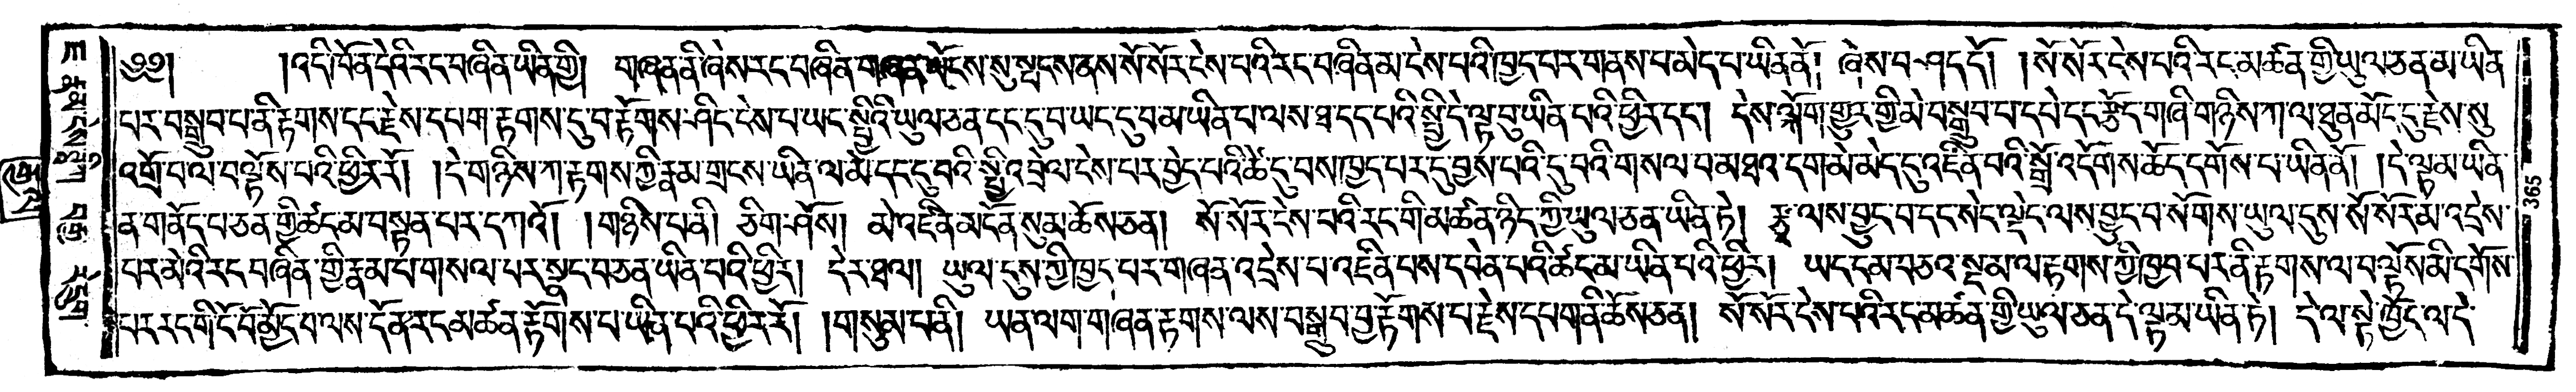༄༅། །འདི་ཁོ་ན་དེའི་རང་བཞིན་ཡིན་གྱི། གཞན་ནི་ཞེས་རང་བཞིན་གཞན་ཡོངས་སུ་སྤངས་ནས་སོ་སོར་ངེས་པའི་རང་བཞིན་མ་ངེས་པའི་ཁྱད་པར་གནས་པ་མེད་པ་ཡིན་ནོ། ཞེས་བཤད་དོ། །སོ་སོར་ངེས་པའི་རང་མཚན་གྱི་ཡུལ་ཅན་མ་ཡིན་
པར་བསྒྲུབ་པ་ནི་རྟགས་དང་རྗེས་དཔག་རྟགས་དུ་བ་རྟོགས་ཤིང་ངེས་པ་ཡང་སྤྱིའི་ཡུལ་ཅན་དང་དུ་བ་ཡང་དུ་བ་མ་ཡིན་པ་ལས་ཐ་དད་པའི་སྤྱི་དེ་ལྟ་བུ་ཡིན་པའི་ཕྱིར་དང་། དེས་ལྐོག་གྱུར་གྱི་མེ་བསྒྲུབ་པ་དཔེ་དང་རྩོད་གཞི་གཉིས་ཀ་ལ་ཐུན་མོང་དུ་རྗེས་སུ་
འགྲོ་བ་ལ་བལྟོས་པའི་ཕྱིར་རོ། །དེ་གཉིས་ཀ་རྟགས་ཀྱི་རྣམ་གྲངས་ཡིན་ལ་མེ་དང་དུ་བའི་སྤྱི་འབྲེལ་ངེས་པར་བྱེད་པའི་ཚེ་དུ་བས་ཁྱད་པར་དུ་བྱས་པའི་དུ་བའི་གསལ་བ་མཐའ་དག་མེ་མེད་དུ་འཛིན་པའི་སྒྲོ་འདོགས་ཆོད་དགོས་པ་ཡིན་ནོ། །དེ་ལྟ་མ་ཡིན་
ན་གནོད་པ་ཅན་གྱི་ཚད་མ་བསྟན་པར་དཀའོ། །གཉིས་པ་ནི། ཅིག་ཤོས། མེ་འཛིན་མངོན་སུམ་ཆོས་ཅན། སོ་སོར་ངེས་པའི་རང་གི་མཚན་ཉིད་ཀྱི་ཡུལ་ཅན་ཡིན་ཏེ། རྩྭ་ལས་བྱུང་བ་དང་སེང་ལྡེང་ལས་བྱུང་བ་སོགས་ཡུལ་དུས་སོ་སོར་མ་འདྲེས་
པར་མེའི་རང་བཞིན་གྱི་རྣམ་པ་གསལ་པར་སྣང་བ་ཅན་ཡིན་པའི་ཕྱིར། དེར་ཐལ། ཡུལ་དུས་ཀྱི་ཁྱད་པར་གཞན་འདྲེས་པ་འཛིན་པས་དབེན་པའི་ཚད་མ་ཡིན་པའི་ཕྱིར། ཡང་དམ་བཅའ་སྔ་མ་ལ་རྟགས་ཀྱི་ཁྱབ་པར་ནི་རྟགས་ལ་བལྟོས་མི་དགོས་
པར་རང་གི་ངོ་བོ་མྱོང་བ་ལས་དོན་རང་མཚན་རྟོགས་པ་ཡིན་པའི་ཕྱིར་རོ། །གསུམ་པ་ནི། ཡན་ལག་གཞན་རྟགས་ལས་བསྒྲུབ་བྱ་རྟོགས་པ་རྗེས་དཔག་ནི་ཆོས་ཅན། སོ་སོར་ངེས་པའི་རང་མཚན་གྱི་ཡུལ་ཅན་དེ་ལྟ་མ་ཡིན་ཏེ། དེ་ལ་སྟེ་ཁྱོད་ལ་དེ་